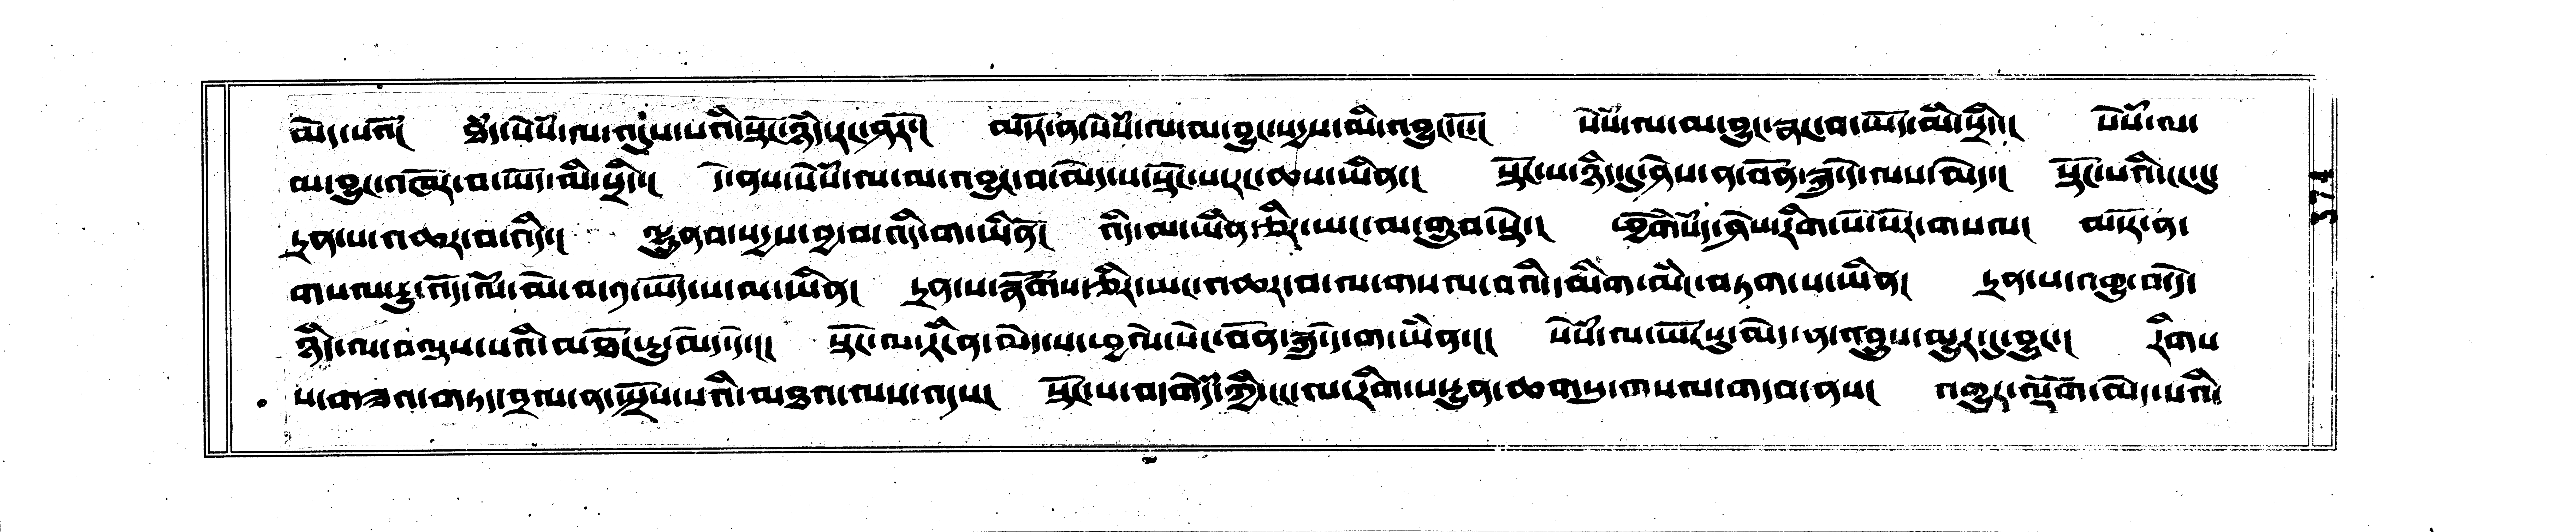མེད་པའོ། ཐམས་ཅད་སེམས་ལ་འདུས་པས་སྟོང་ཉིད་ཤར་བའོ། མདོར་ན་སེམས་ལ་མ་བྱུང་སངས་རྒྱས་མི་འབྱུང་ངོ་། སེམས་ལ་
མ་བྱུང་སྣང་བ་ཡོད་མི་བསྲིད། དེ་ནས་སེམས་ལ་བྱུང་བ་མེད་པས་སྟོང་པ་རང་ཆས་ཡིན། སྟོང་པ་ཉིད་དུ་ཤེས་ན་བོན་སྐུ་དེ་ལས་མེད་དོ། སྟོང་པའི་ངང་དུ་
དྲན་པ་འཆར་བ་འདི། ལྷུན་གྲུབ་ཀྱིས་སངས་རྒྱས་བྱ་བ་དེ་ཀ་ཡིན། འདིར་མ་ཡིན་ཅིར་ཡང་མེད་པ་སྟེ། ཕྱོགས་མེད་ཤེས་རིག་སོ་སོར་གསལ། མདོར་ན་
གསལ་རྒྱུ་འོད་ལམ་མེ་བ་ཞིག་ཡོད་པ་མ་ཡིན། དྲན་པ་སྣ་ཚོགས་ཅིར་ཡང་འཆར་བ་ལ་གསལ་བའི་མིང་བཏག་པ་ཡིན། དྲན་པ་འགྱུ་བ་འདི་
ཉིད་ལ་བལྟས་པས་མཐོང་རྒྱུ་མེད་དོ། སྟོང་པ་རང་བཞིན་མེད་པར་ཕྱལ་ལེ་སོང་ན་བོན་སྐུ་དེ་ཀ་ཡིན། སེམས་ལ་ཡེངས་སུ་མེད་ན་འབྲས་བུ་མྱུར་དུ་འབྱུང་། རིག་
པ་གཟའ་གཏད་བྲལ་ན་སྤྲོས་པའི་མཐའ་ལས་འདས། སྟོང་པ་བདག་མེད་ཀྱིས་ངང་ལ་རིག་པ་རྒྱུན་ཆ་‘‘ཆགས”སུ་གསལ་བཏབས་ནས། འགྱུར་མེད་ཀྱིས་